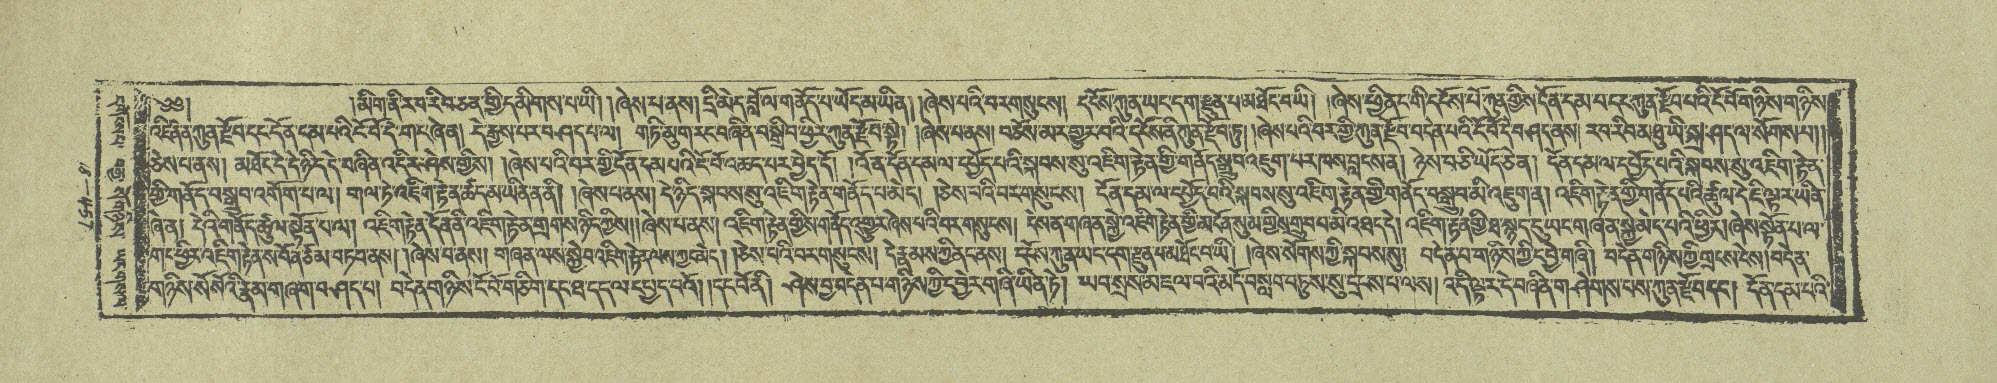༄༅། །མིག་ནི་རབ་རིབ་ཅན་གྱི་དམིགས་པ་ཡི། །ཞེས་པ་ནས། དྲི་མེད་བློ་ལ་གནོད་པ་ཡོད་མ་ཡིན། །ཞེས་པའི་བར་གསུངས། དངོས་ཀུན་ཡང་དག་རྫུན་པ་མཐོང་བ་ཡི། །ཞེས་ཕྱི་ནང་གི་དངོས་པོ་ཀུན་གྱིས་དོན་དམ་པ་དང་ཀུན་རྫོབ་པའི་ངོ་བོ་གཉིས་གཉིས་
འཛིན་ན་ཀུན་རྫོབ་དང་དོན་དམ་པའི་ངོ་བོ་དེ་གང་ཞེ་ན། དེ་རྒྱས་པར་བཤད་པ་ལ། གཏི་མུག་རང་བཞིན་བསྒྲིབ་ཕྱིར་ཀུན་རྫོབ་སྟེ། །ཞེས་པ་ནས། བཅོས་མར་གྱུར་པའི་དངོས་ནི་ཀུན་རྫོབ་ཏུ། །ཞེས་པའི་བར་གྱི་ཀུན་རྫོབ་བདེན་པའི་ངོ་བོ་དེ་བཤད་ནས། རབ་རིབ་མཐུ་ཡི་སྐྲ་ཤད་ལ་སོགས་པ།།
ཅེས་པ་ནས། མཐོང་དེ་དེ་ཉིད་དེ་བཞིན་འདིར་ཤེས་གྱིས། །ཞེས་པའི་བར་གྱི་དོན་དམ་པའི་ངོ་བོ་འཆད་པར་བྱེད་དོ། །འོ་ན་དོན་དམ་ལ་དཔྱོད་པའི་སྐབས་སུ་འཇིག་རྟེན་གྱི་གནོད་སྒྲུབ་འཇུག་པར་ཁས་བླངས་ན། ཉེས་པ་ཅི་ཡོད་ཅེ་ན། དོན་དམ་ལ་དཔྱོད་པའི་སྐབས་སུ་འཇིག་རྟེན་
གྱི་གནོད་བསྒྲུབ་འགོག་པ་ལ། གལ་ཏེ་འཇིག་རྟེན་ཚད་མ་ཡིན་ན་ནི། །ཞེས་པ་ནས། དེ་ཉིད་སྐབས་སུ་འཇིག་རྟེན་གནོད་པ་མེད། །ཅེས་པའི་བར་གསུངས། དོན་དམ་ལ་དཔྱོད་པའི་སྐབས་སུ་འཇིག་རྟེན་གྱི་གནོད་བསྒྲུབ་མི་འཇུག་ན། འཇིག་རྟེན་གྱི་གནོད་པའི་ཚུལ་དེ་ཇི་ལྟར་ཡིན་
ཞེ་ན། དེའི་གནོད་ཚུལ་སྟོན་པ་ལ། འཇིག་རྟེན་དོན་ནི་འཇིག་རྟེན་གྲགས་ཉིད་ཀྱིས། །ཞེས་པ་ནས། འཇིག་རྟེན་གྱིས་གནོད་འགྱུར་ཞེས་པའི་བར་གསུངས། དེས་ན་གཞན་སྐྱེ་འཇིག་རྟེན་གྱི་མངོན་སུམ་གྱིས་གྲུབ་པ་མི་འཐད་དེ། འཇིག་རྟེན་གྱི་ཐ་སྙད་དུ་ཡང་གཞན་སྐྱེ་མེད་པའི་ཕྱིར། ཞེས་སྟོན་པ་ལ་
གང་ཕྱིར་འཇིག་རྟེན་ས་བོན་ཙམ་བཏབ་ནས། །ཞེས་པ་ནས། གཞན་ལས་སྐྱེ་བ་འཇིག་རྟེན་ལས་ཀྱང་མེད། །ཅེས་པའི་བར་གསུངས། དེ་རྣམས་ཀྱི་ནང་ནས། དངོས་ཀུན་ཡང་དག་རྫུན་པ་མཐོང་བ་ཡི། །ཞེས་སོགས་ཀྱི་སྐབས་སུ། བདེན་པ་གཉིས་ཀྱི་དབྱེ་གཞི། བདེན་གཉིས་ཀྱི་གྲངས་ངེས། བདེན་
གཉིས་སོ་སོའི་རྣམ་གཞག་བཤད་པ། བདེན་གཉིས་ངོ་བོ་གཅིག་དང་ཐ་དད་ལ་དཔྱད་པའོ། །དང་པོ་ནི། ཤེས་བྱ་བདེན་པ་གཉིས་ཀྱི་དབྱེར་གཞི་ཡིན་ཏེ། ཡབ་སྲས་མཇལ་བའི་མདོ་བསླབ་བཏུས་སུ་དྲངས་པ་ལས། འདི་ལྟར་དེ་བཞིན་གཤེགས་པས་ཀུན་རྫོབ་དང་། དོན་དམ་པའི་